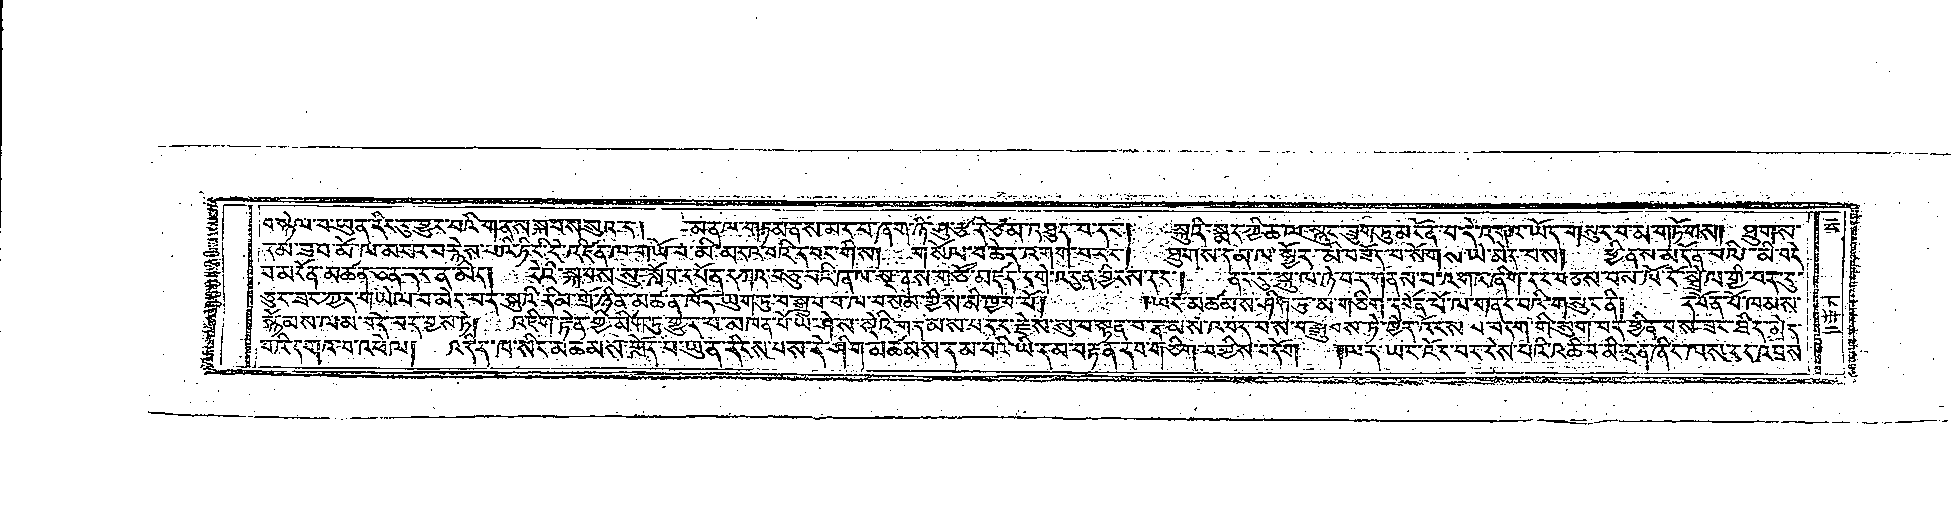བསྙེལ་བ་ཡུན་རིང་དུ་བྱུང་བའི་གནས་སྐབས་སུའང་། མནལ་གཏམ་ནས་མང་པ་ཞག་ཉི་ཤུ་རྩ་རེ་ཙམ་འཐུད་པ་དང་། སྐུའི་སྨད་ཀྱི་ཆ་ལ་སྙུང་ཟུག་ཏུ་མངོན་པ་དེ་འགའ་ཡོད་གསུང་བ་མ་གཏོགས། ཐུགས་
དམ་ཟབ་མོ་ལ་མངའ་བརྙེས་པའི་ཏིང་ངེ་འཛིན་ལ་གཡོ་བ་མི་མངའ་བའི་དབང་གིས། གསོལ་བ་ཆེར་འགག་པ་དང་། ཐུགས་དམ་ལ་སྦྱོར་མི་བཟོད་པ་སོགས་ཡེ་མེད་པས། ཕྱི་ནས་མངོན་པ་ལི་མི་བདེ་
བ་མངོན་མཚན་ཅན་རང་ན་མེད། དེའི་སྐབས་སུ་སློབ་དཔོན་དཀའ་བཅུ་པའི་ཞལ་སྔ་ནས་གཙོ་མཛད་དགེ་འདུན་བྱིངས་དང་། ནང་དུ་སྐུ་ལ་ཉེ་བར་གནས་བ་འགའ་ཞིག་དང་བཅས་པས་ལོ་ངོ་སྤྲེལ་གྱི་བར་དུ་
ཅུང་ཟད་ཀྱང་གཡེལ་བ་མེད་པར་སྐུའི་རིམ་གྲོ་ཉིན་མཚན་ཁོར་ཡུག་ཏུ་བསྒྲུབ་པ་ལ་བསམ་གྱིས་མི་ཁྱབ་པོ། །ཡང་མཚམས་ཤིག་ཏུ་མ་གཅིག་དཔོན་པོ་ལ་གནང་བའི་གསུང་ནི། དཔོན་པོ་ཁམས་
སྙོམས་ལམ་བདེ་བར་བྱས་ཏེ། འཇིག་རྟེན་གྱི་མིག་ཏུ་གྱུར་པ་མཁན་པོ་ཡི་ཤེས་སྡེའི་གདམས་པ་དང་རྗེས་སུ་བསྟན་པ་རྣམས་འབད་པས་བསྒྲུབས་ཏེ་ཁྱེར་འོངས་པ་བདག་གི་སུག་པར་བྱིན་པས་ཟང་ཐིང་མེད་
བའི་དགའ་བ་འཕེལ། འདིར་ཁ་སིང་མཚམས་གློད་པ་ཡུན་རིངས་པས་རེ་ཤིག་མཚམས་དམ་པའི་ཡི་དམ་བརྟན་རབ་གཅིག་བགྱིས་བདོག །ལར་ཡང་འོང་བར་ངེས་པའི་འཆི་བ་མི་དྲན་ཞིང་ལས་དང་འབྲས་